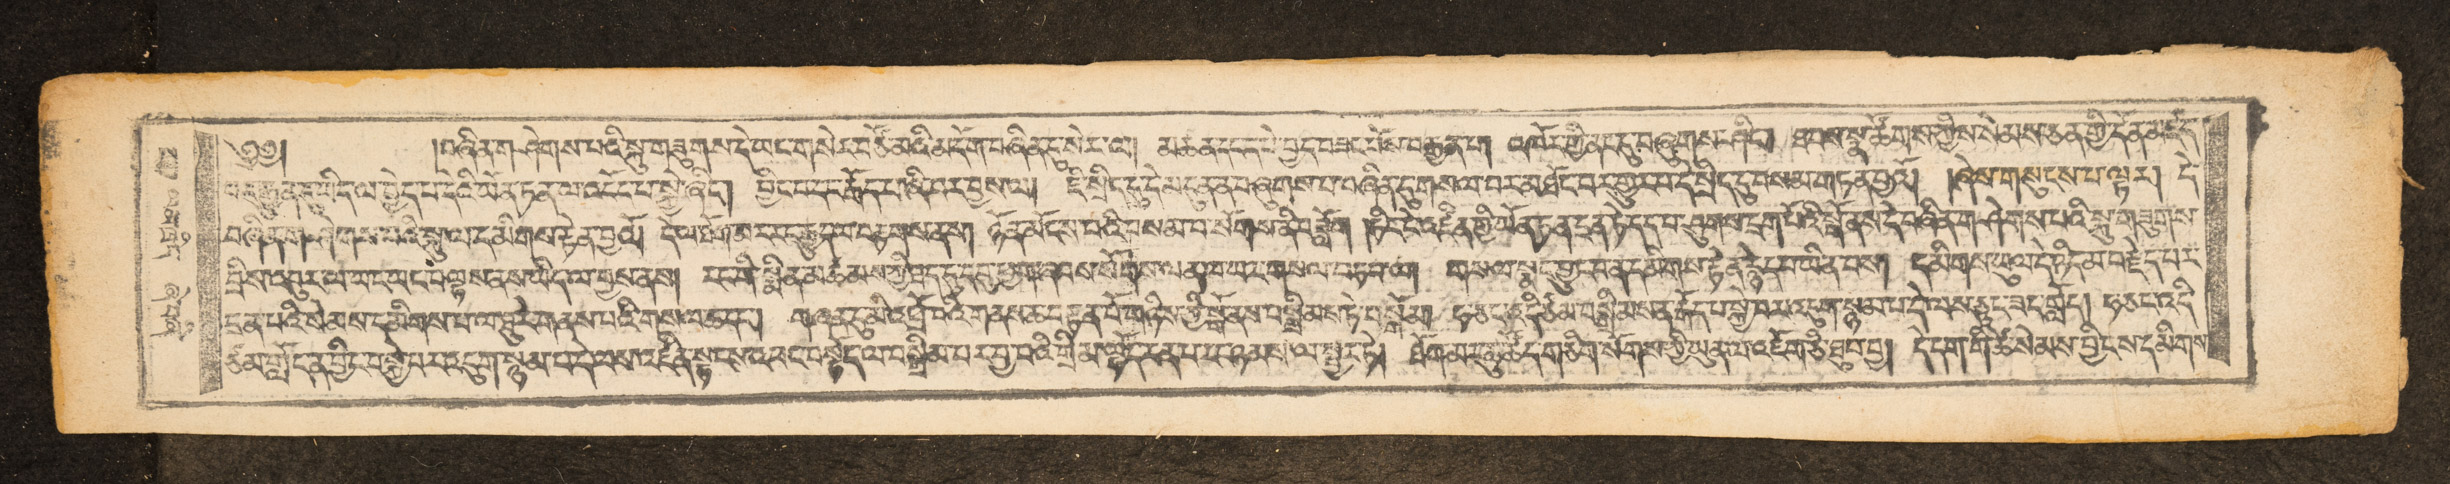༄༅། །བཞིན་གཤེགས་པའི་སྐུ་གཟུགས་དེ་ཡང་གསེར་བཙོ་མའི་མདོག་བཞིན་དུ་སེར་ལ། མཚན་དང་དཔེ་བྱད་བཟང་པོས་བརྒྱན་པ། འཁོར་གྱི་ནང་དུ་བཞུགས་ཤིང་། ཐབས་སྣ་ཚོགས་ཀྱིས་སེམས་ཅན་གྱི་དོན་མཛད་
པར་རྒྱུན་དུ་ཡིད་ལ་བྱེད་པ་དེའི་ཡོན་ཏན་ལ་འདོད་པ་སྐྱེ་ཞིང་། བྱིང་བ་དང་རྒོད་པ་ཞི་བར་བྱས་ལ། ཇི་སྲིད་དུ་དེ་མདུན་ན་བཞུགས་པ་བཞིན་དུ་གསལ་བར་མཐོང་བར་གྱུར་པ་དེ་སྲིད་དུ་བསམ་གཏན་བྱའོ། །ཞེས་གསུངས་པ་ལྟར། དེ་
བཞིན་གཤེགས་པའི་སྐུ་ལ་དམིགས་རྟེན་བྱའོ། དེ་ལ་ཐོག་མར་རང་རྒྱུད་ལ་བརྟགས་ནས། ཉོན་མོངས་པའི་བསམ་པ་སོགས་ནི་བཟློག །ཏིང་ངེ་འཛིན་གྱི་ཡོན་ཏན་དྲན་ཏེ་དད་པ་ཤུགས་དྲག་པོའི་སྒོ་ནས་དེ་བཞིན་གཤེགས་པའི་སྐུ་གཟུགས་
བྲིས་འབུར་ལ་ཡང་ཡང་བལྟས་ནས་ཡིད་ལ་བྱས་ནས། རང་གི་སྨིན་མཚམས་ཀྱི་ཐད་དུ་དབུ་ཕྱག་ཞབས་སོགས་ལན་ཁ་ཡར་གསལ་བཏབ་ལ། གསལ་སྣང་བྱུང་བ་ན་དམིགས་རྟེན་རྙེད་པ་ཡིན་པས། དམིགས་ཡུལ་དེ་ཉིད་མ་བརྗེད་པར་
དྲན་པའི་སེམས་དམིགས་པ་ལ་ཐུ་རེ་གནས་པའི་གསལ་ཆ་དང་། གཞན་དུ་མི་འཕྲོ་བའི་གནས་ཆ་བརྟན་པོ་གཉིས་ཀྱི་སྒོ་ནས་བསྒྲིམས་ཏེ་བསྒོམ། ཧ་ཅང་འདི་ཙམ་བསྒྲིམས་ན་རྒོད་པ་སྐྱེ་བར་འདུག་སྙམ་པ་དེ་ལས་ཅུང་ཟད་གློང་། ཧ་ཅང་འདི་
ཙམ་གློང་ན་བྱིང་བསྐྱེ་བར་འདུག་སྙམ་པ་དེ་ལས་འཛིན་སྟངས་འཕང་བསྟོད་ལ་བསྐྲིམ་པར་བྱ་བའི་གྲིམ་ལྷོད་རན་པ་རང་ཉམས་ལ་སྦྱར་ཏེ། ཐོག་མར་ཆུ་ཚོད་གཅིག་སོགས་ཀྱི་ཡུན་ལ་འཇོག་ཅི་ཐུབ་བྱ། དེ་དག་གི་ཚེ་སེམས་བྱིངས་དམིགས་